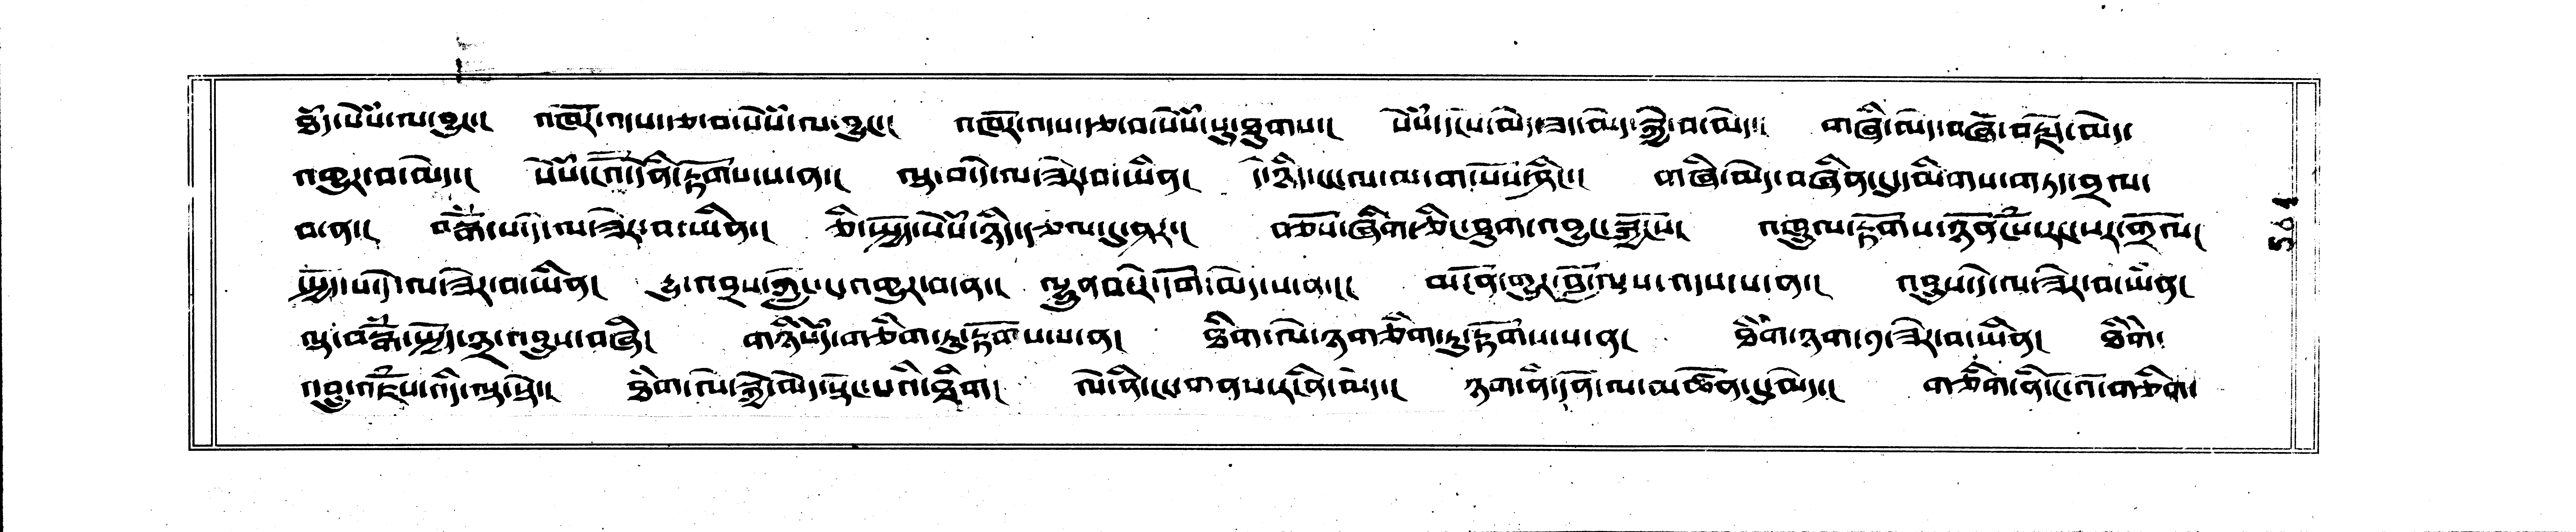ཐམས་ཅད་སེམས་ལ་བྱུང། འཁོར་འདས་རྩ་བ་སེམས་ལས་བྱུང་། འཁོར་འདས་རྩ་བ་སེམས་སུ་ཐུག སེམས་དངོས་མེད་ཟད་མེད་སྐྱེ་བ་མེད། གཞི་མེད་བརྗོད་མེད་
འགྱུར་བ་མེད། སེམས་ངོའོ་དེ་བཞིན་རྟོགས་པ་ན། ལྟ་བ་དེ་ལ་ཟེར་བ་ཡིན། དེ་ཉིད་ངང་ལ་མ་གཡོས་ཤིང་། གཞི་མེད་བཞན་དུ་དམིགས་གཏད་བྲལ་
བ་ན། བསྒོམ་པ་དེ་ལ་ཟེར་བ་ཡིན། ཅི་སྤྱོད་སེམས་ཉིད་རྩལ་དུ་ཤར། བཅོས་མ་ཞིག་ཅིང་ཤུགས་འབྱུང་སྐྱོངས། འཁྲུལ་རྟོག་ཉོན་མོངས་རང་སར་གྲོལ། 
སྤྱོད་པ་དེ་ལ་ཟེར་བ་ཡིན། རྒྱུ་འབྲས་ཀློང་དུ་གྱུར་བ་ནས། ལྷུན་གྲུབ་རེ་དོགས་མེད་པ་ན། མངོན་གྱུར་བློ་ལས་འདས་པ་ན། འབྲས་བུ་དེ་ལ་ཟེར་བ་ཡིན། 
ལྟ་བསྒོམ་སྤྱོད་གསུམ་འབྲས་བུ་བཞི། གཉིས་མེད་ཅིག་ཏུ་རྟོགས་པ་དང་། ཐིག་ལེ་ཉག་ཅིག་ཟེར་བ་ཡིན། ཐིག་ལེ་
འབྲུ་འཇོམས་༼གཞོམ༽འདི་ལྟར་ཏེ། ཐིག་ནི་སྐྱེ་མེད་སྟོང་པའི་ཐིག ལེ་ནི་ངང་གནས་རང་བཞིན་མེད། ཉག་ནི་དོན་ལ་མཚོན་དུ་མེད། ཅིག་ནི་ངོའོ་ཅིག་